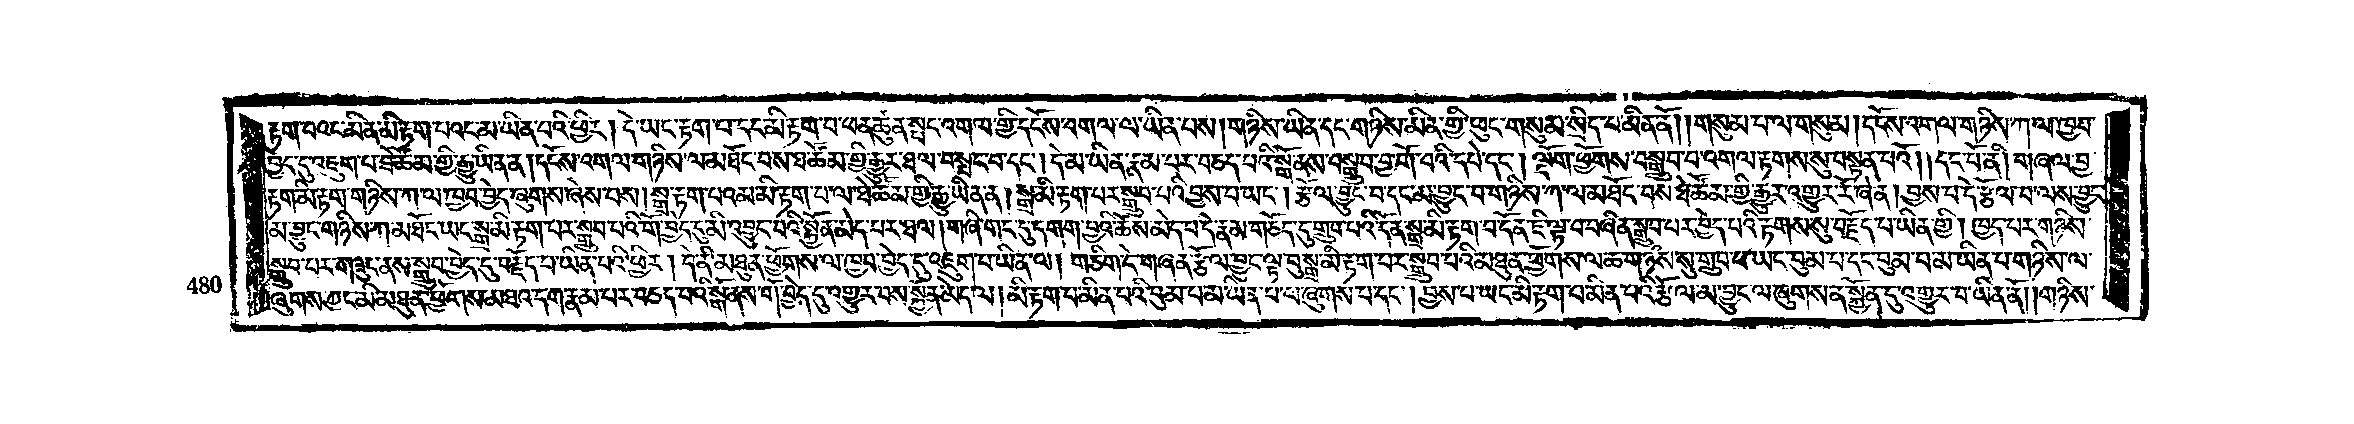རྟག་པའང་མིན་མི་རྟག་པའང་མ་ཡིན་པའི་ཕྱིར། དེ་ཡང་རྟག་པ་དང་མི་རྟག་པ་ཕན་ཚུན་སྤང་འགལ་གྱི་དངོས་འགལ་ལ་ཡིན་པས། གྱིས་ཡིན་དང་གཉིས་མིན་གྱི་ཕུང་གསུམ་སྲིད་པ་མིན་ནོ། །གསུམ་པ་ལ་གསུམ། དངོས་འགལ་གཉིས་ཀ་ལ་ཁྱབ་
བྱེད་དུ་འཇུག་པ་ཐེ་ཚོམ་གྱི་རྒྱུ་ཡིན་ན། དངོས་འགལ་གཉིས་ལ་མཐོང་བས་ཐེ་ཚོམ་གྱི་རྒྱུར་ཐལ་བ་སྤང་བ་དང་། དེ་མ་ཡིན་རྣམ་པར་བཅད་པའི་སྒོ་ནས་བསྒྲུབ་བྱ་གོ་བའི་དཔེ་དང་། ལྡོག་ཕྱོགས་བསྒྲུབ་པ་འགལ་རྟགས་སུ་བསྟན་པའོ། །དང་པོ་ནི། གཞལ་བྱ་
རྟག་མི་རྟག་གཉིས་ཀ་ལ་ཁྱབ་བྱེད་ཞུགས་ཞེས་པས། སྒྲ་རྟག་པའམ་མི་རྟག་པ་ལ་ཐེ་ཚོམ་གྱི་རྒྱུ་ཡིན་ན། སྒྲ་མི་རྟག་པར་སྒྲུབ་པའི་བྱས་པ་ཡང་། རྩོལ་བྱུང་བ་དང་མ་བྱུང་བ་གཉིས་ཀ་ལ་མཐོང་བས་ཐེ་ཚོམ་གྱི་རྒྱུར་འགྱུར་རོ་ཞེ་ན། བྱས་པ་དེ་རྩོལ་བ་ལས་བྱུང་
མ་བྱུང་གཉིས་ཀ་མཐོང་ཡང་སྒྲ་མི་རྟག་པར་སྒྲུབ་པའི་གོ་བྱེད་དུ་མི་འབྱུང་བའི་སྐྱོན་མེད་པར་ཐལ། གཞི་གང་དུ་དགག་བྱའི་ཆོས་མེད་པ་དེ་རྣམ་གཅོད་དུ་གྲུབ་པའི་དོན་སྒྲ་མི་རྟག་པ་དོན་ཇི་ལྟ་བ་བཞིན་སྒྲུབ་པར་བྱེད་པའི་རྟགས་སུ་བརྗོད་པ་ཡིན་གྱི་།ཁྱད་པར་གཉིས་
སྒྲུབ་པར་གཟུང་ནས་སྒྲུབ་བྱེད་དུ་བརྗོད་པ་ཡིན་པའི་ཕྱིར། དེ་ནི་མཐུན་ཕྱོགས་ལ་ཁྱབ་བྱེད་དུ་འཇུག་པ་ཡིན་ལ། གཅིག་དེ་གཞན་རྩོལ་བྱུང་ལྟ་བུ་སྒྲ་མི་རྟག་པར་སྒྲུབ་པའི་མཐུན་ཕྱོགས་ལ་ཆ་གཉིས་སུ་གྲུབ་པ་ཡང་བུམ་པ་དང་བུམ་པ་མ་ཡིན་པ་གཉིས་ལ་
ཞུགས་ཀྱང་མི་མཐུན་ཕྱོགས་མཐའ་དག་རྣམ་པར་བཅད་པའི་སྒོ་ན་གོ་བྱེད་དུ་འགྱུར་པར་སྐྱོན་མེད་ལ། མི་རྟག་པ་མིན་པའི་བུམ་པ་མ་ཡིན་པ་ལ་ཞུགས་པ་དང་། བྱས་པ་ཡང་མི་རྟག་པ་མིན་པའི་རྩོལ་མ་བྱུང་ལ་ཞུགས་ན་སྐྱོན་དུ་འགྱུར་པ་ཡིན་ནོ། །གཉིས་